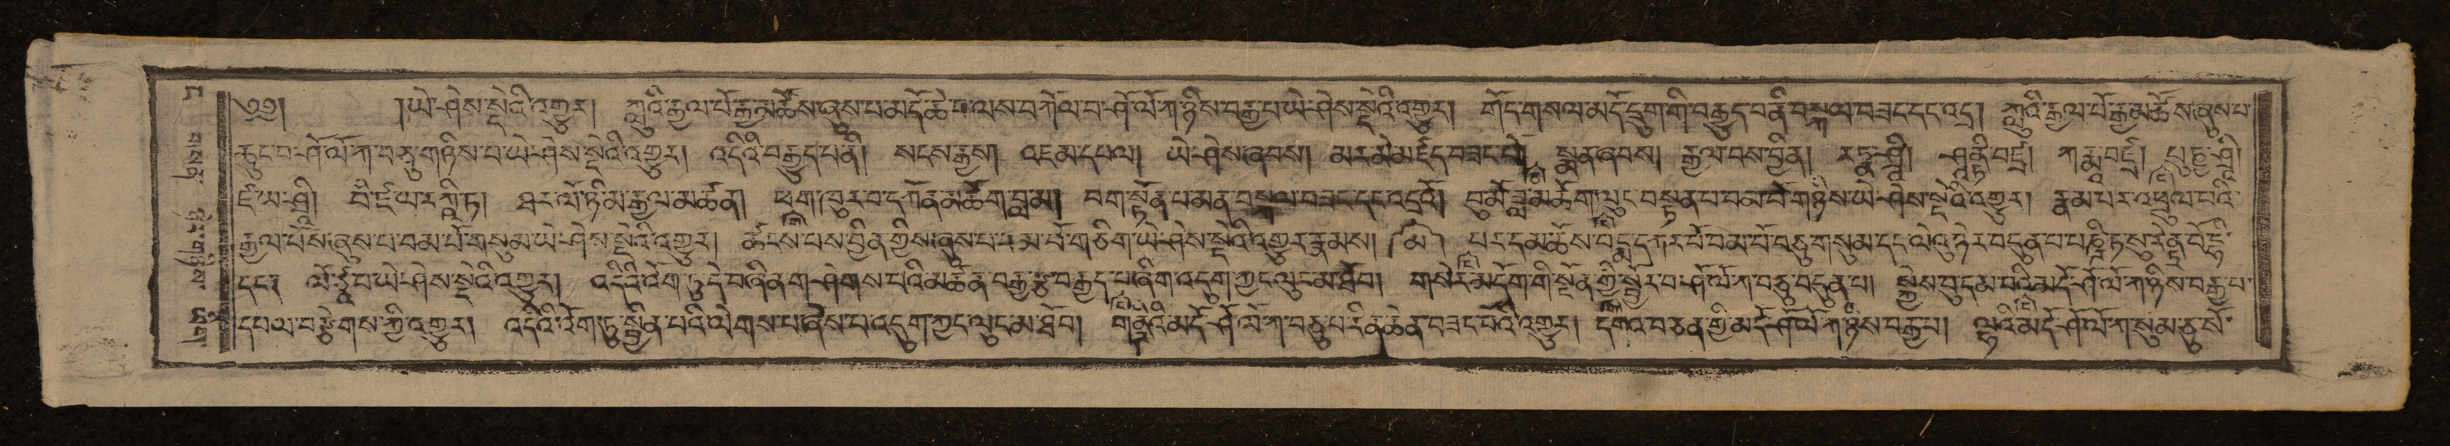༄༅། །ཡེ་ཤེས་སྡེའི་འགྱུར། ཀླུའི་རྒྱལ་པོ་རྒྱ་མཚོས་ཞུས་པ་མདོ་ཆེ་བ་ལས་བཀོལ་བ་ཤོ་ལོ་ཀ་ཉིས་བརྒྱ་བ་ཡེ་ཤེས་སྡེའི་འགྱུར། གོང་གསལ་མདོ་དྲུག་གི་བརྒྱུད་པ་ནི་བསྐལ་བཟང་དང་འདྲ། ཀླུའི་རྒྱལ་པོ་བརྒྱ་མཚོས་ཞུས་པ་
ཆུང་བ་ཤོ་ལོ་ཀ་བཅུ་གཉིས་པ་ཡེ་ཤེས་སྡེའི་འགྱུར། འདིའི་བརྒྱུད་པ་ནི། སངས་རྒྱས། འཇམ་དཔལ། ཡེ་ཤེས་ཞབས། མར་མེ་མཛད་བཟང་པོ། སྨན་ཞབས། རྒྱལ་བས་བྱིན། ར་ཏན་ཤྲཱི། ཤཱནྟི་བཛྲ། ཀརྨཱ་བཛྲ། པུ་ཎྱ་ཤྲཱི།
ཛ་ཡ་ཤྲཱི། བི་ཛལ་རཀྵི་ཏ། ཐར་ལོ་ཉི་མ་རྒྱལ་མཚན། ཕག་ཁུར་བ་དཀོན་མཆོག་བླ་མ། བག་སྟོན་པ་མན་བསྐལ་བཟང་དང་འདྲའོ། བུ་མོ་ཟླ་མཆོག་ལུང་བསྟན་པ་བམ་པོ་གཉིས་ཡེ་ཤེས་སྡེའི་འགྱུར། རྣམ་པར་འཕྲུལ་བའི་
རྒྱལ་པོས་ཞུས་པ་བམ་པོ་གསུམ་ཡེ་ཤེས་སྡེའི་འགྱུར། ཚངས་པས་བྱིན་གྱིས་ཞུས་པ་བམ་པོ་གཅིག་ཡེ་ཤེས་སྡེའི་འགྱུར་རྣམས། {མ}་པར་དམ་ཆོས་པདམ་དཀར་བོ་བམ་པོ་བཅུ་གསུམ་དང་ལེའུ་ཉེར་བདུན་པ་བཎྜི་ཏ་སུ་རེནྟྲ་པོ་དྷི་
དང༑ ལོ་ཙཱ་བ་ཡེ་ཤེས་སྡེའི་འགྱུར། འདིའོ་འགོ་ཏུ་དེ་བཞིན་གཤེགས་པའི་མཚན་བརྒྱ་རྩ་བརྒྱད་པ་ཞིག་འདུག་ཀྱང་ལུང་མ་ཐོབ། གསེར་མདོག་གི་སྔོན་གྱི་སྦྱོར་བ་ཤོ་ལོ་ཀ་བཅུ་བདུན་པ། སྐྱེས་བུ་དམ་པའི་མདོ་ཤོ་ལོ་ཀ་ཉིས་བརྒྱ་བ་
དཔལ་བརྩེགས་ཀྱི་འགྱུར། འདིའི་འོག་ཏུ་སྦྱིན་པའི་ལེགས་པ་ཞེས་པ་འདུག་ཀྱང་ལུང་མ་ཐོབ། གནྜིའི་མདོ་ཤོ་ལོ་ཀ་བུ་པ་རིན་ཆེན་བཟང་པོའི་འགྱུར། དགའ་བ་ཅན་གྱི་མདོ་ཤོ་ལོ་ཀ་ཉིས་བརྒྱ་བ། ལྷའི་མདོ་ཤོ་ལོ་ཀ་སུམ་ཅུ་སོ་